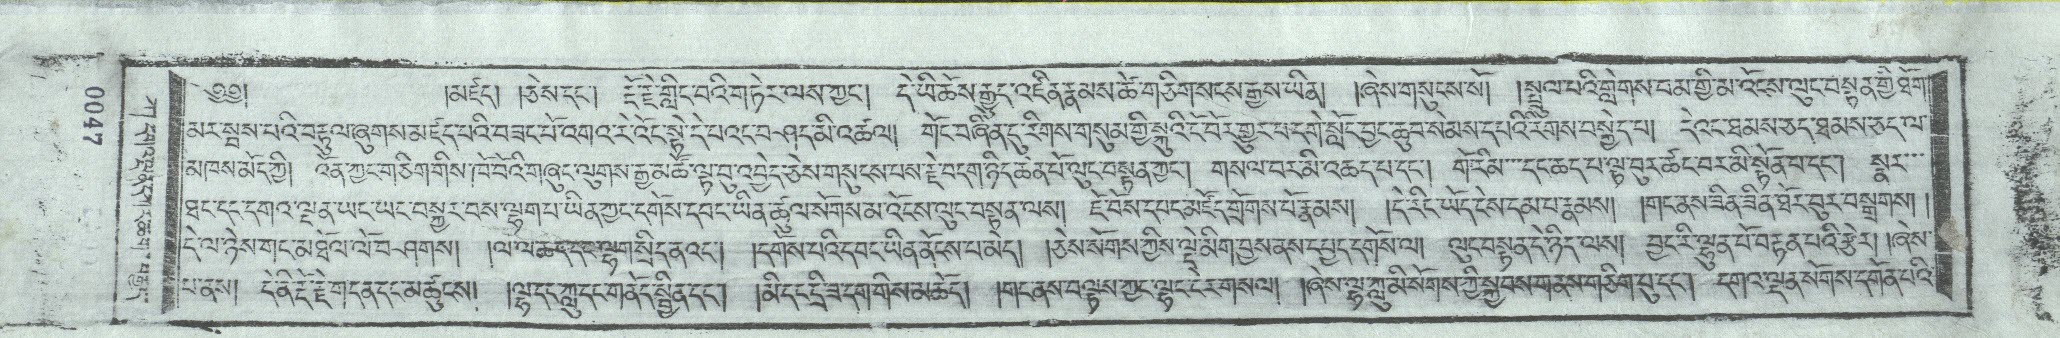༄༅། །མཛད། །ཅེས་དང་། རྡོ་རྗེ་གླིང་བའི་གཏེར་ལས་ཀྱང་། དེ་ཡི་ཆོས་རྒྱུད་འཛིན་རྣམས་ཚེ་གཅིག་སངས་རྒྱས་ཡིན། །ཞེས་གསུངས་སོ། །སྤྲུལ་པའི་གླེགས་བམ་གྱི་མ་འོངས་ལུང་བསྟན་གྱི་?
མར་སྦས་པའི་བརྟུལ་ཞུགས་མཛད་པའི་བཟང་པོ་འགའ་རེའོང་སྟེ་དེ་བའང་བཤད་མི་འཚལ། གོང་བཞིན་དུ་རིགས་གསུམ་གྱི་སྐུའི་ངོ་བོར་གྱུར་པ་དགེ་སློང་བྱང་ཆུབ་སེམས་དཔའི་རིགས་བསྐྱེད་པ། དེའང་ཐམས་ཅད་ཐམས་ཅད་ལ?
མཁས་མོད་ཀྱི། འོན་ཀྱང་གཅིག་གིས་ཁོ་བོའི་གཞུང་ལུགས་རྒྱ་མཚོ་ལྟ་བུ་འབྱེད་ཅེས་གསུངས་པས་རྗེ་བདག་ཉིད་ཆེན་པོ་ལུང་བསྟན་ཀྱང་། གསལ་བར་མི་འཆད་པ་དང་། གོ་རིམ་དང་ཆད་པ་ལྟ་བུར་ཚང་བར་མི་སྟོན་པ་དང་། སྣར་
ཐང་དང་དགའ་ལྡན་ཡང་ཡང་བསྐྱར་པས་ལྷག་པ་ཡིན་ཀྱང་དགོས་དབང་ཡིན་ཚུལ་སོགས་མ་འོངས་ལུང་བསྟན་ལས། ཇོ་བོས་དཔང་མཛོད་གྲོགས་པོ་རྣམས། །དེ་རིང་ཡོད་ངེས་དམ་པ་རྣམས། །གང་ནས་ཟིན་ཟིན་ཐོར་པུར་བསྒྲགས། །
དེ་ལ་ཉེས་གང་མཐོལ་ལོ་བཤགས། །ལ་ལ་ཆད་དང་ལྷག་སྲིད་ནའང་། །དགོས་པའི་དབང་ཡིན་ནོངས་པ་མེད། །ཅེས་སོགས་ཀྱིས་ལྡེ་མིག་བྱས་ནས་དཔྱད་དགོས་ལ། ལུང་བསྟན་དེ་ཉིད་ལས། བྱང་རི་ལྷུན་པོ་བརྟན་བའི་རྩེར། །ཞེས་
པ་ནས། དེ་ནི་རྡོ་རྗེ་གདན་དང་མཚུངས། །ལྷ་དང་ཀླུ་དང་གནོད་སྦྱིན་དང་། །མི་དང་དྲི་ཟ་དག་གིས་མཆོད། །གང་ནས་བལྟས་ཀྱང་ལྷང་ངེར་གསལ། །ཞེས་ལྷ་ཀླུ་མི་སོགས་ཀྱི་སྐྱབས་གནས་གཅིག་བུ་དང་། དགའ་ལྡན་སོགས་དགོན་པའི?